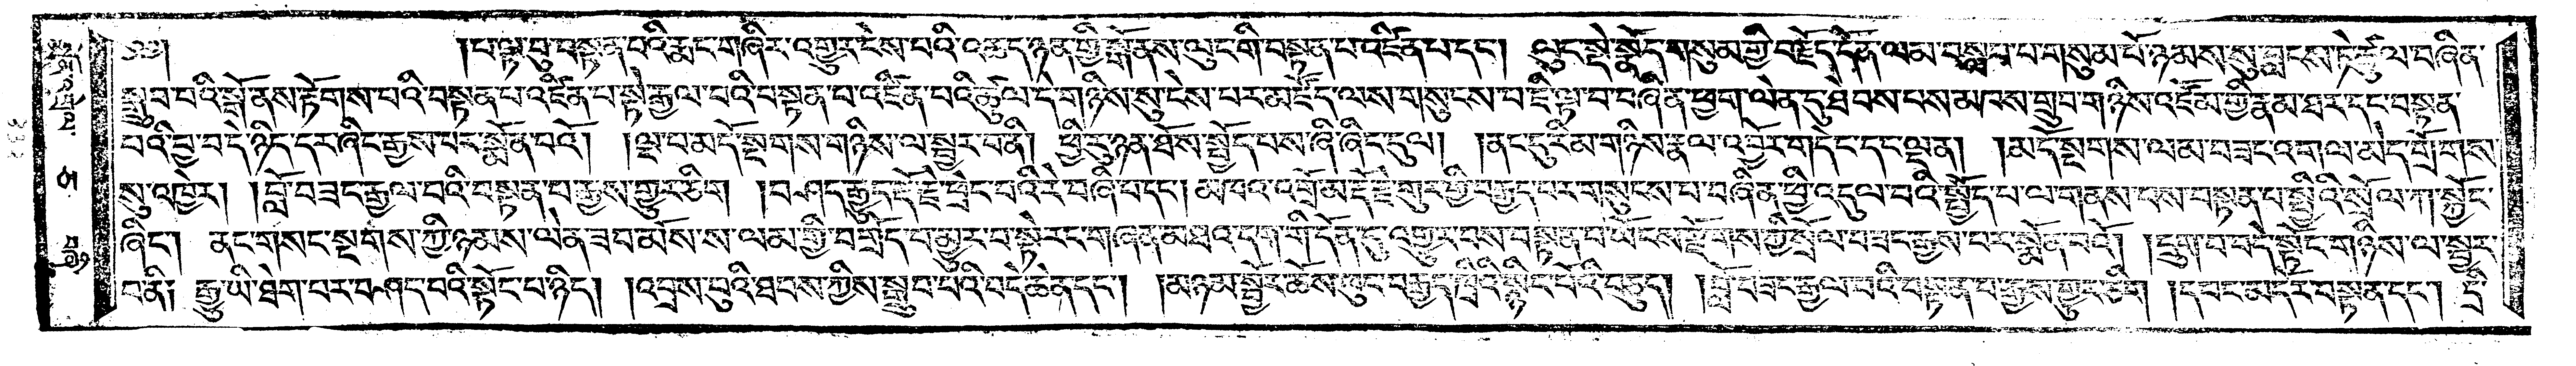༄༅། །བ་ལྟ་བུ་བསྟན་པའི་རྨང་གཞིར་འགྱྲུ་ངེས་པའི་འཆད་ཉན་གྱི་སྒོ་ནས་ལུང་གི་བསྟན་པ་འཛིན་པ་དང་། ལུང་སྡེ་སྣོད་གསུམ་གྱི་བརྗོད་དོན་ལམ་བསླབ་པ་གསུམ་པོ་ཉམས་སུ་བླངས་ཏེ་ཚུལ་བཞིན་
སྒྲུབ་བའི་སྒོ་ནས་རྟོགས་པའི་བསྟྣ་པ་འཛིན་པ་སྟེ་རྒྱལ་བའི་བསྟན་པ་འཛིན་པའི་ཚུལ་དེ་གཉིས་སུ་ངེས་པར་མཛོད་ལས་གསུངས་པ་ཇི་ལྟ་བ་བཞིན་ཕྱག་ལེན་དུ་ཐེབས་བས་མཁས་གྲུབ་གཉིས་འཛོམ་གྱི་རྣམ་ཐར་དང་བསྟན་
བའི་བའི་བྱ་བ་དེ་ཉིད་དར་ཞིང་རྒྱས་པར་སྨོན་པའོ། །ལྔ་པ་མདོ་སྔགས་གཉིས་ལ་སྦྱར་བ་ནི། ཕྱི་རུ་ཉན་ཐོས་སྤྱོད་པས་ཞི་ཞིང་དུལ། །ནང་དུ་རིམ་གཉིས་རྣལ་འབྱོར་གདང་དང་ལྡན། །མདོ་སྔགས་ལམ་བཟང་འགལ་མེད་གྲོགས་
སུ་འཁྱེར། །བློ་བཟང་?སྔགས་ཀྱི་ཉམས་ལེན་ཟབ་མོས་ས་ལམ་གྱི་བགྲོད་པ་མྱུར་བ་སྟེ་རང་གཞན་མཐའ་དག་གི་དོན་དུ་འགྱུར་བས་བསྟན་པ་ཡོངས་རྫོགས་ཀྱི་སྲོལ་བཟང་རྒྱས་པར་སྨོན་པའོ། །དྲུག་པ་བདེ་སྟོང་གཉིས་ལ་སྦྱར་
བ་ནི༑ རྒྱུ་ཡི་ཐེག་པར་བཤད་བའི་སྟོང་པ་ཉིད། །འབྲས་བུའི་ཐབས་ཀྱིས་སྒྲུབ་པའི་བདེ་ཆེན་དང་། །མཉམ་སྦྱོར་ཆོས་ཕུང་བརྒྱད་ཁྲིའི་སྙིང་པོའི་བཅུད། །བློ་བཟང་རྒྱལ་བའི་བསྟན་པ་རྒྱས་གྱུར་ཅིག །དབང་མདོར་བསྟན་དང་། དྲི་